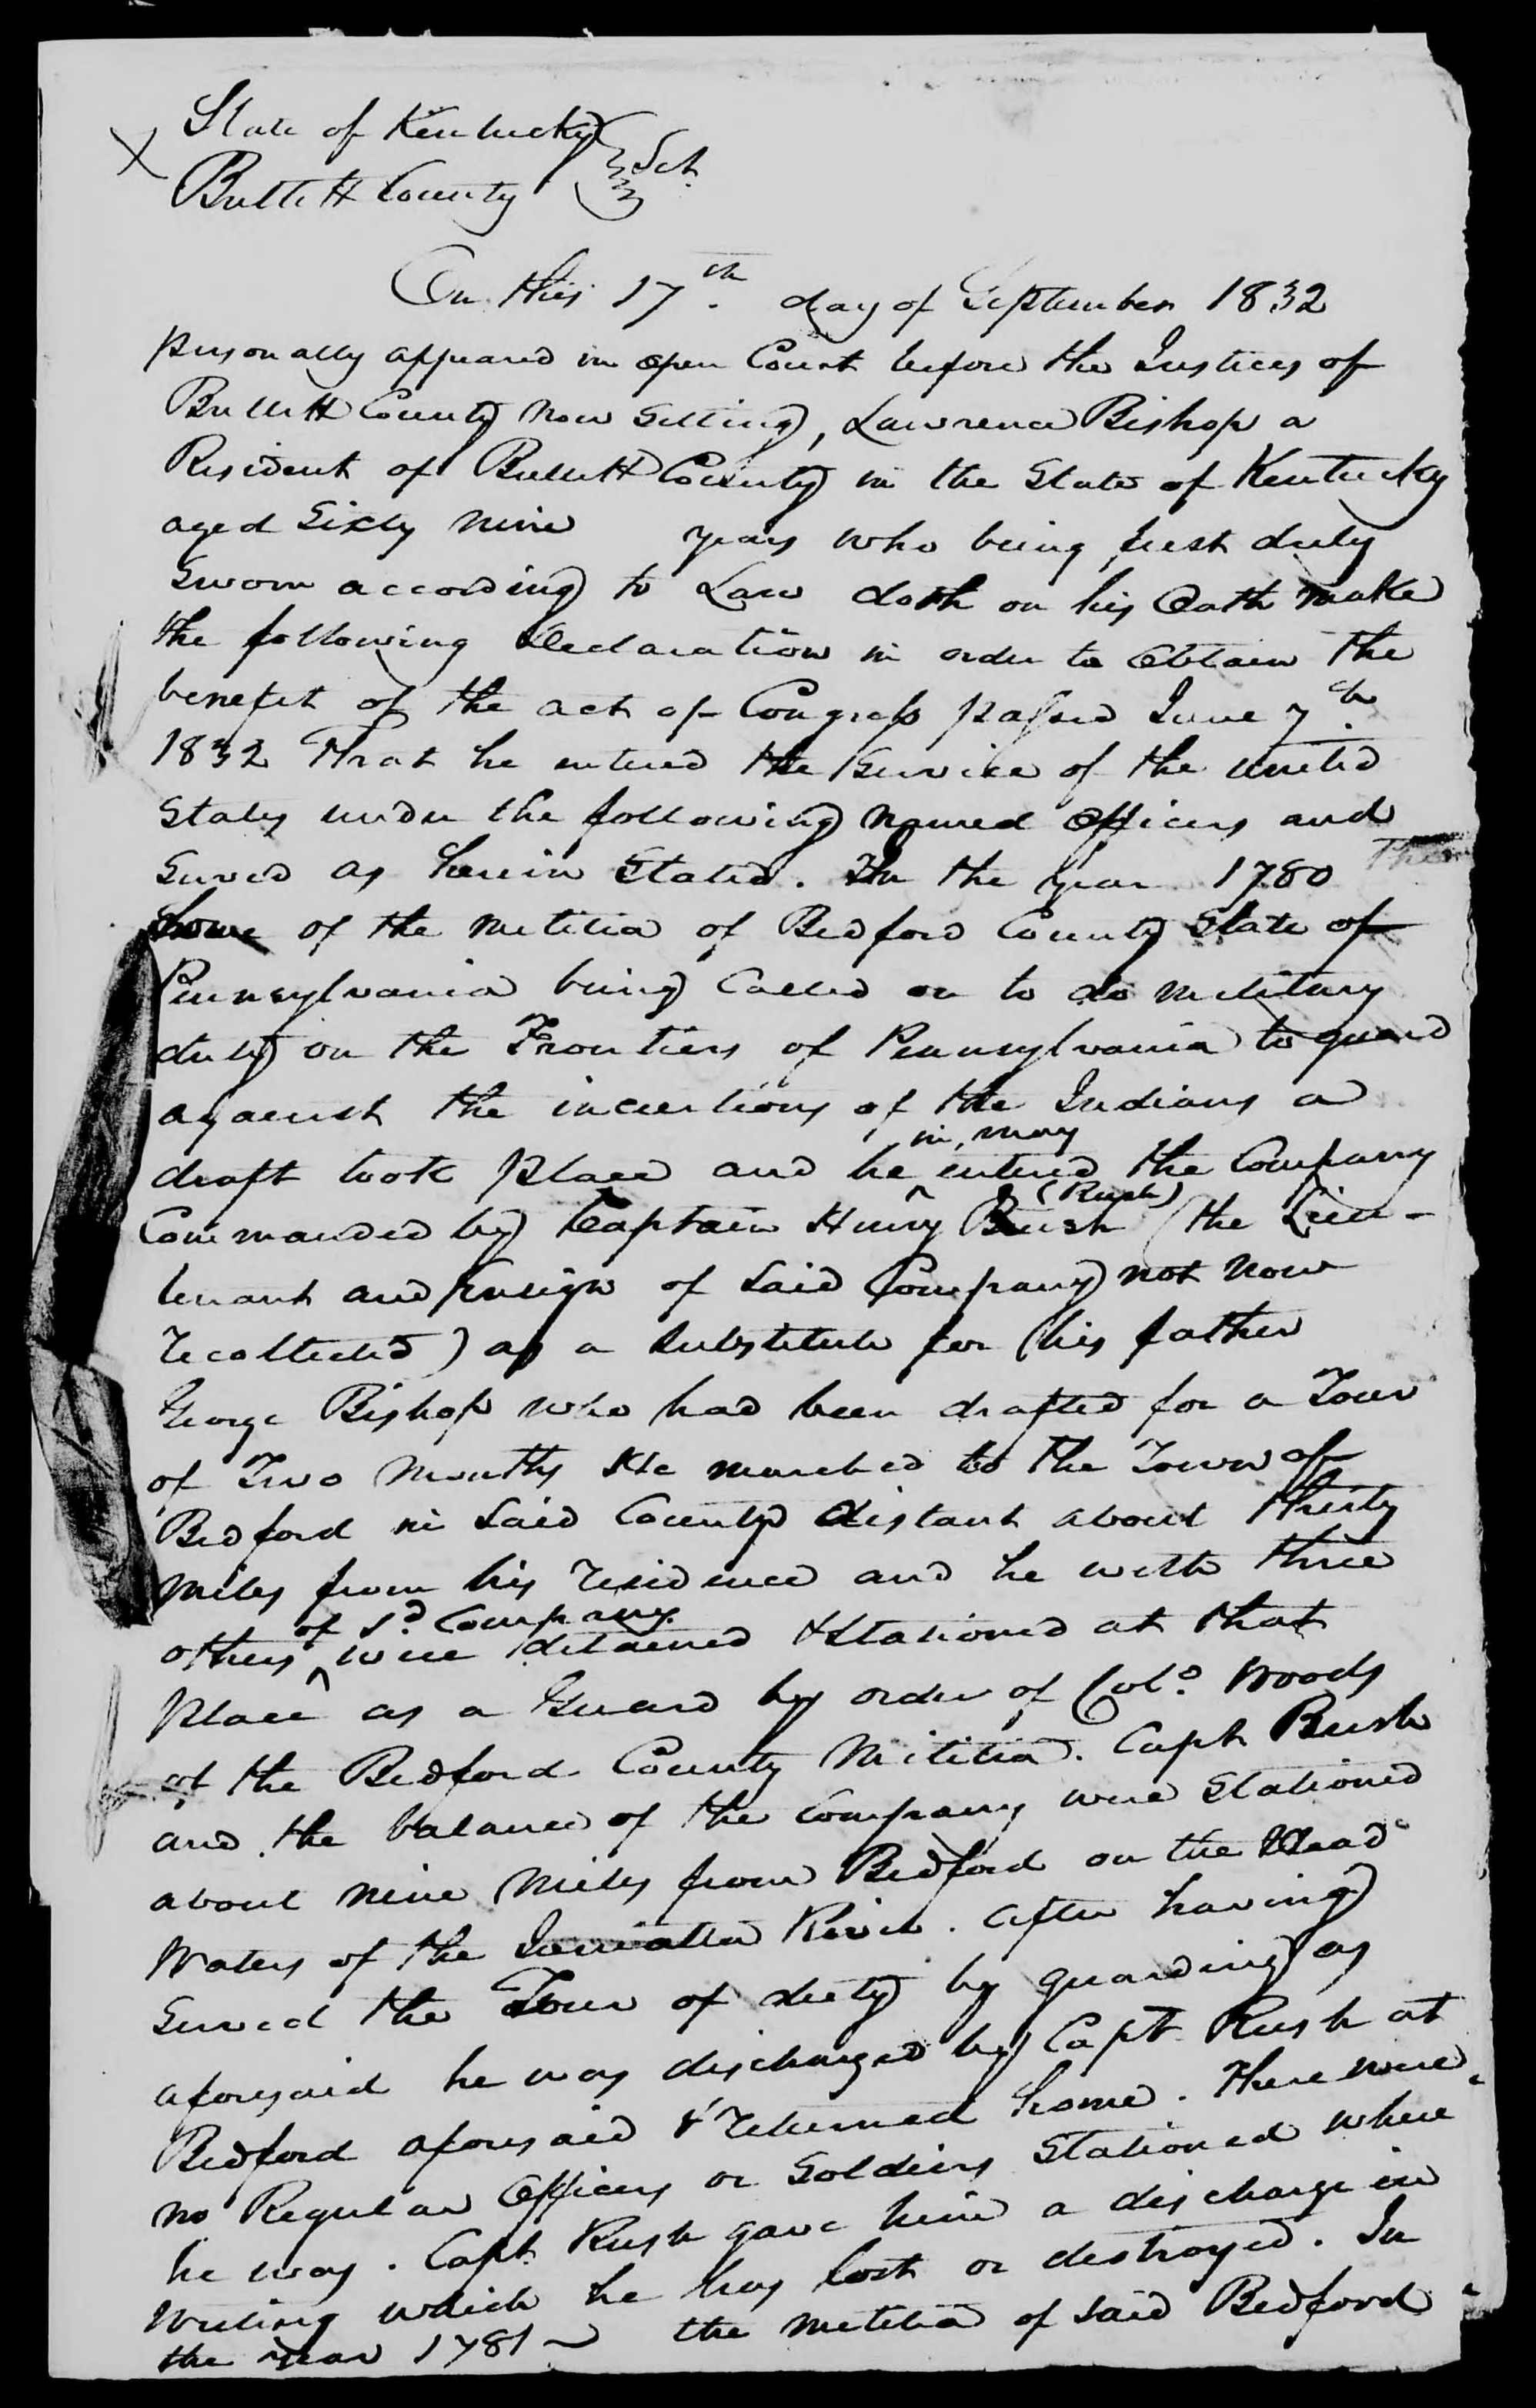State of Kentucky 
Bullitt County} Sct    
On this 17th day of September 1832 personally appeared in open Court before the Justices of Bullitt County now sitting, Lawrence Bishop a Resident of Bullitt County in the State of Kentucky aged sixty nine years who being first duly sworn according to Law doth on his Oath make the following declaration in order to obtain the benefit of the act of Congress passed June 7th 1832.  That he entered the service of the United States under the following named officers and served as herein stated.  In the year 1780 [unreadable] of the militia of Bedford County State of Pennsylvania being called on to do military duly on the Frontiers of Pennsylvania to guard against the incursions of the Indians a draft took place and he in, many entered the Company commanded by Captain Henry Brush (Rush) (the Lieutenant and Ensign of said Company not now recollected) as a substitute for his father George Bishop who had been drafted for a tour of Two months.   He marched to the Town of Bedford in said County distant about thirty miles from his residence and he with three others of said Company were detained & stationed at that place as a Guard by order of Col Woods of the Bedford County Militia.  Capt Brush and the balance of the company were stationed on the Head Waters of the Juniatta River about nine miles from Bedford on the Head after having served the tour of duty by guarding as aforesaid he was discharged by Capt Rush at Redford aforesaid & returned home.  There were no Regular Officers or Soldiers stationed where he was.   Capt Rush gave him a discharge in Wheeling which he lost or destroyed.  In the year 1781 the militia of said Bedford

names: Lawrence Bishop, Rush, Henry Rush, Rush, George Bishop, Rush, Woods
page: 3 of 26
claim: survivor's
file: S.1,166, Lawrence Bishop, Penn.